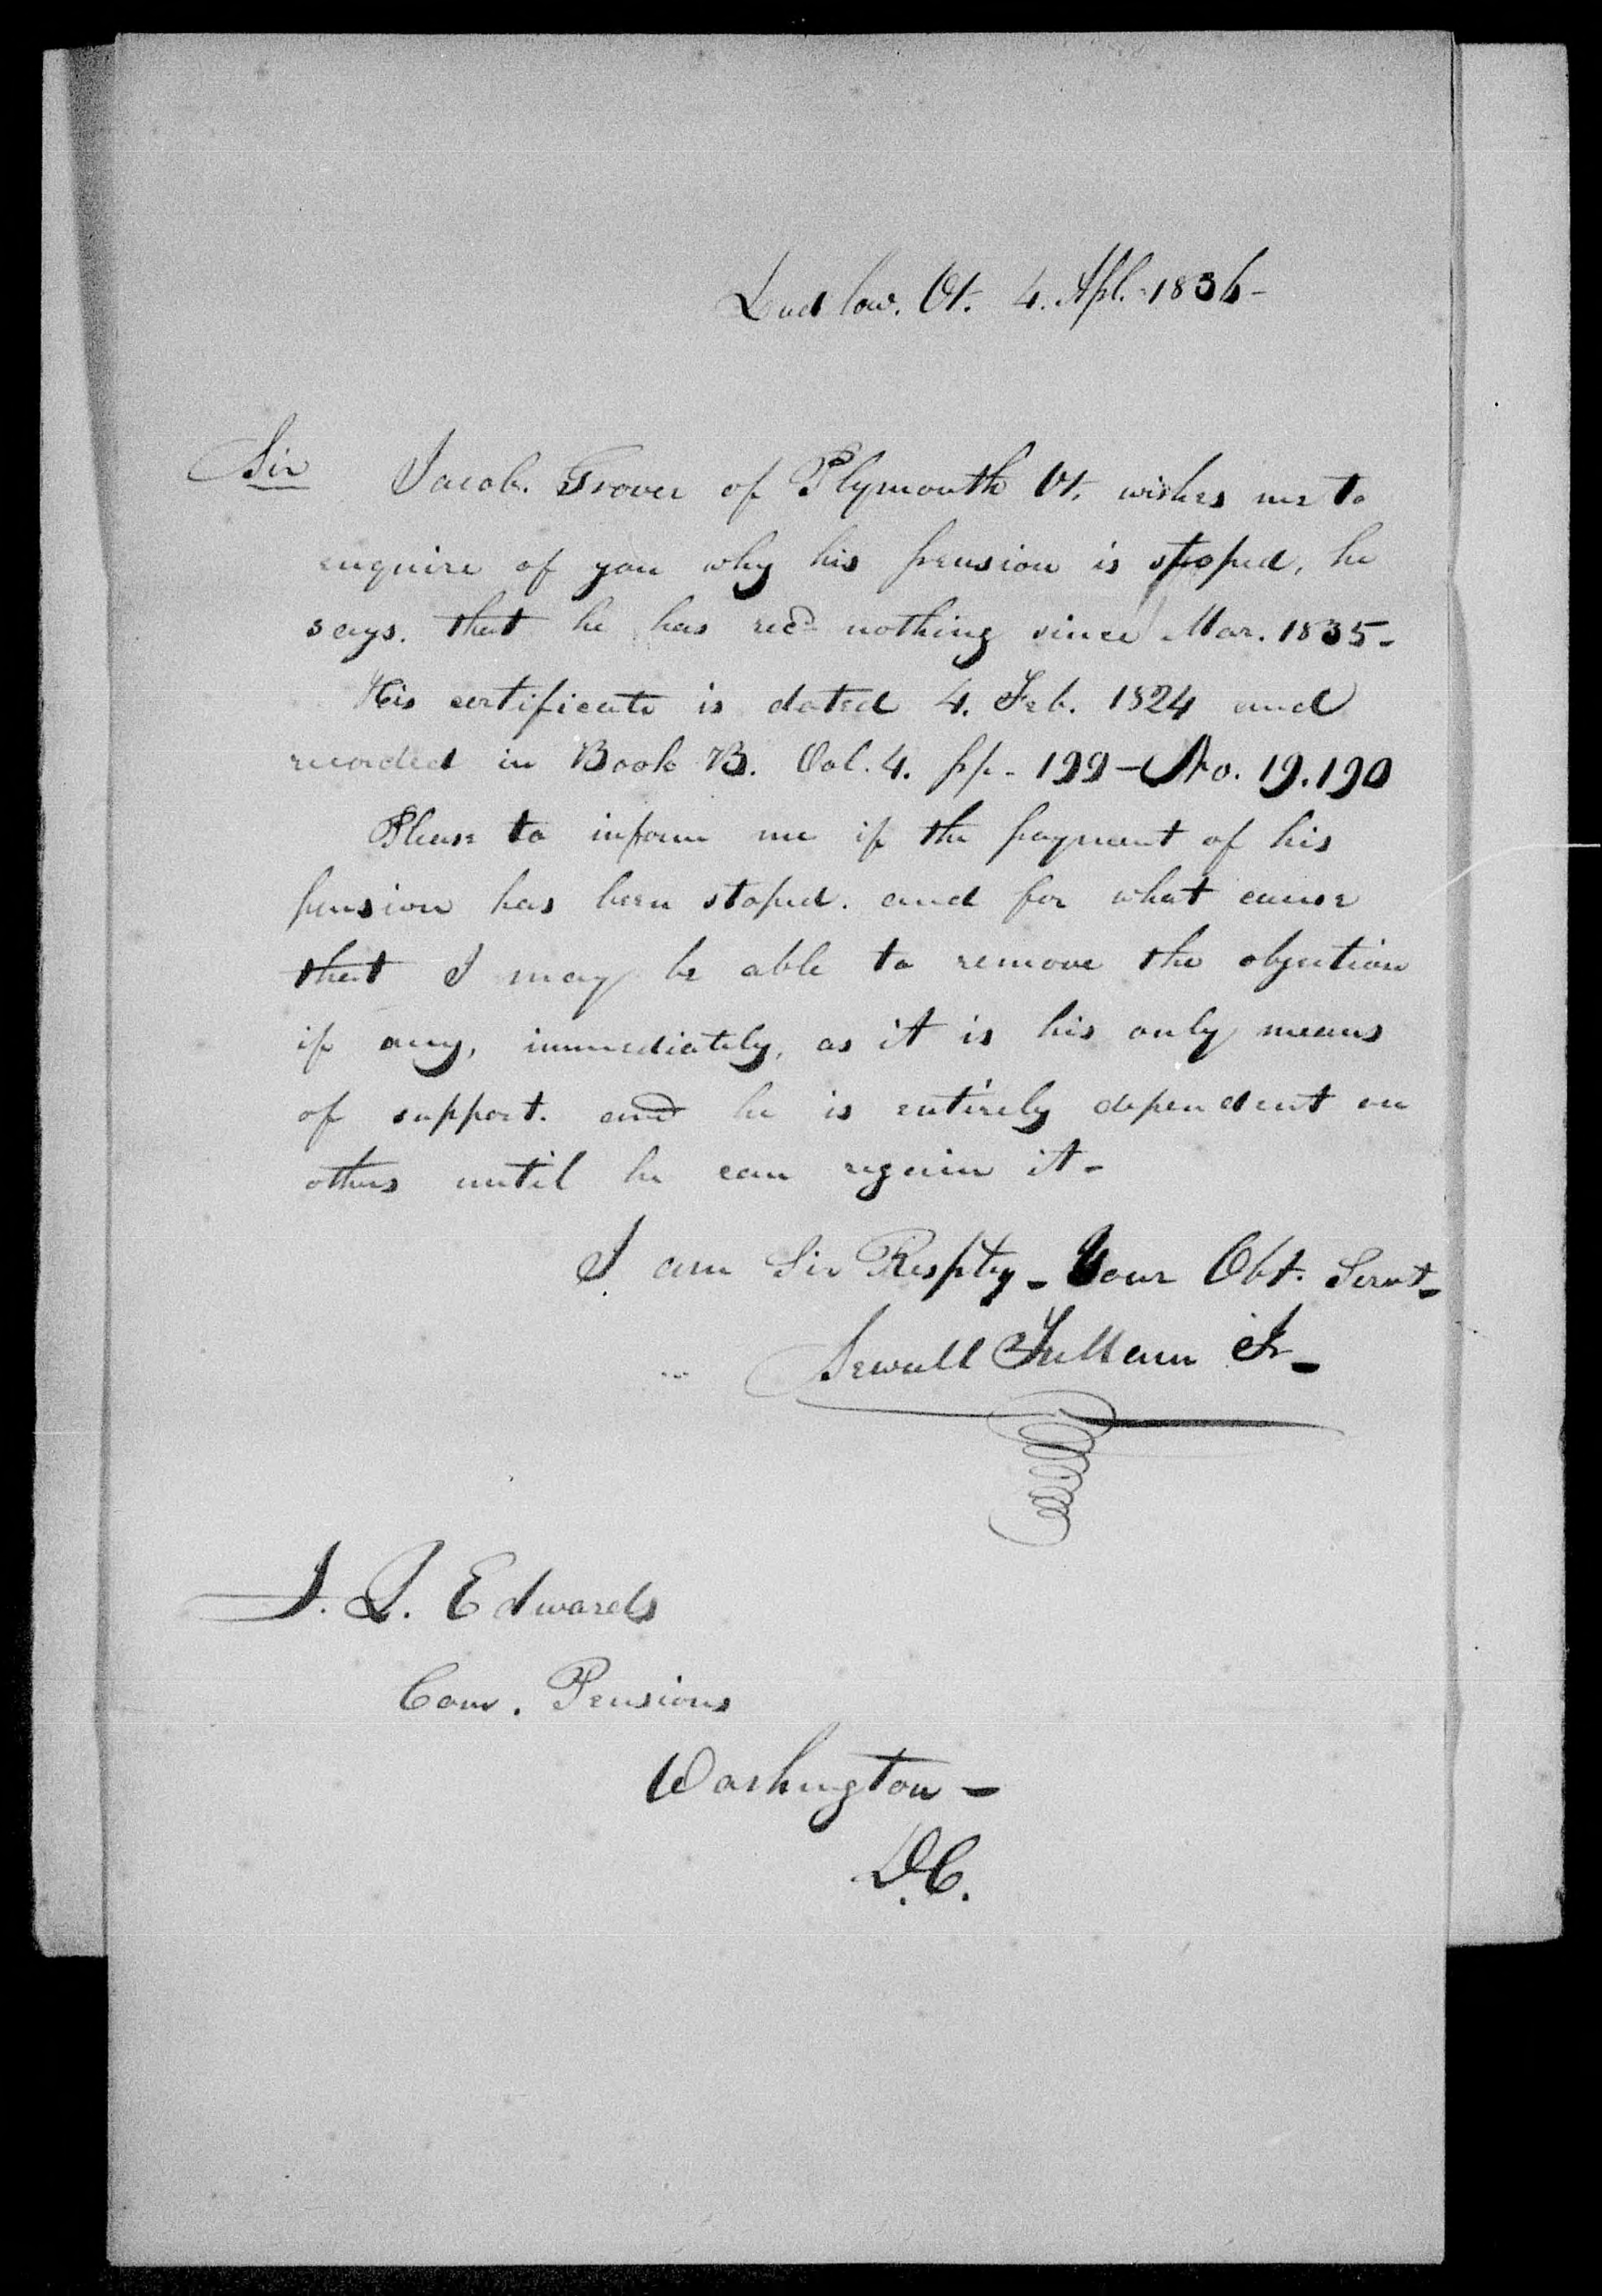Ludlow, Vt 4 April, 1836

Sir
Jacob Grover of Plymouth Vt. wishes us to inquire of you why his pension is stoped, he say that he has rec'd nothing since Mar. 1835. His certificate is dated 4. Feb. 1824 and recorded in Book 13. Vol 4. pgs 199-(?) 19.190
Please to inform me if the payment of his pension has been stopped and for what cause that I may be able to remove the objections if any, immediately as it is his only means of support and he is entirely dependent on others until he can regain it.
I am sir Respectfully your Obt. Servt.
Sewall Fullam Jr.



J. L. Edwards
Court. Pensions
Washinton
D.C.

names: J L Edwards, Sewall Fullam, Jacob Grover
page: 14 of 22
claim: survivor's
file: S. 38777, Jacob Grover, Continental (Vt.)